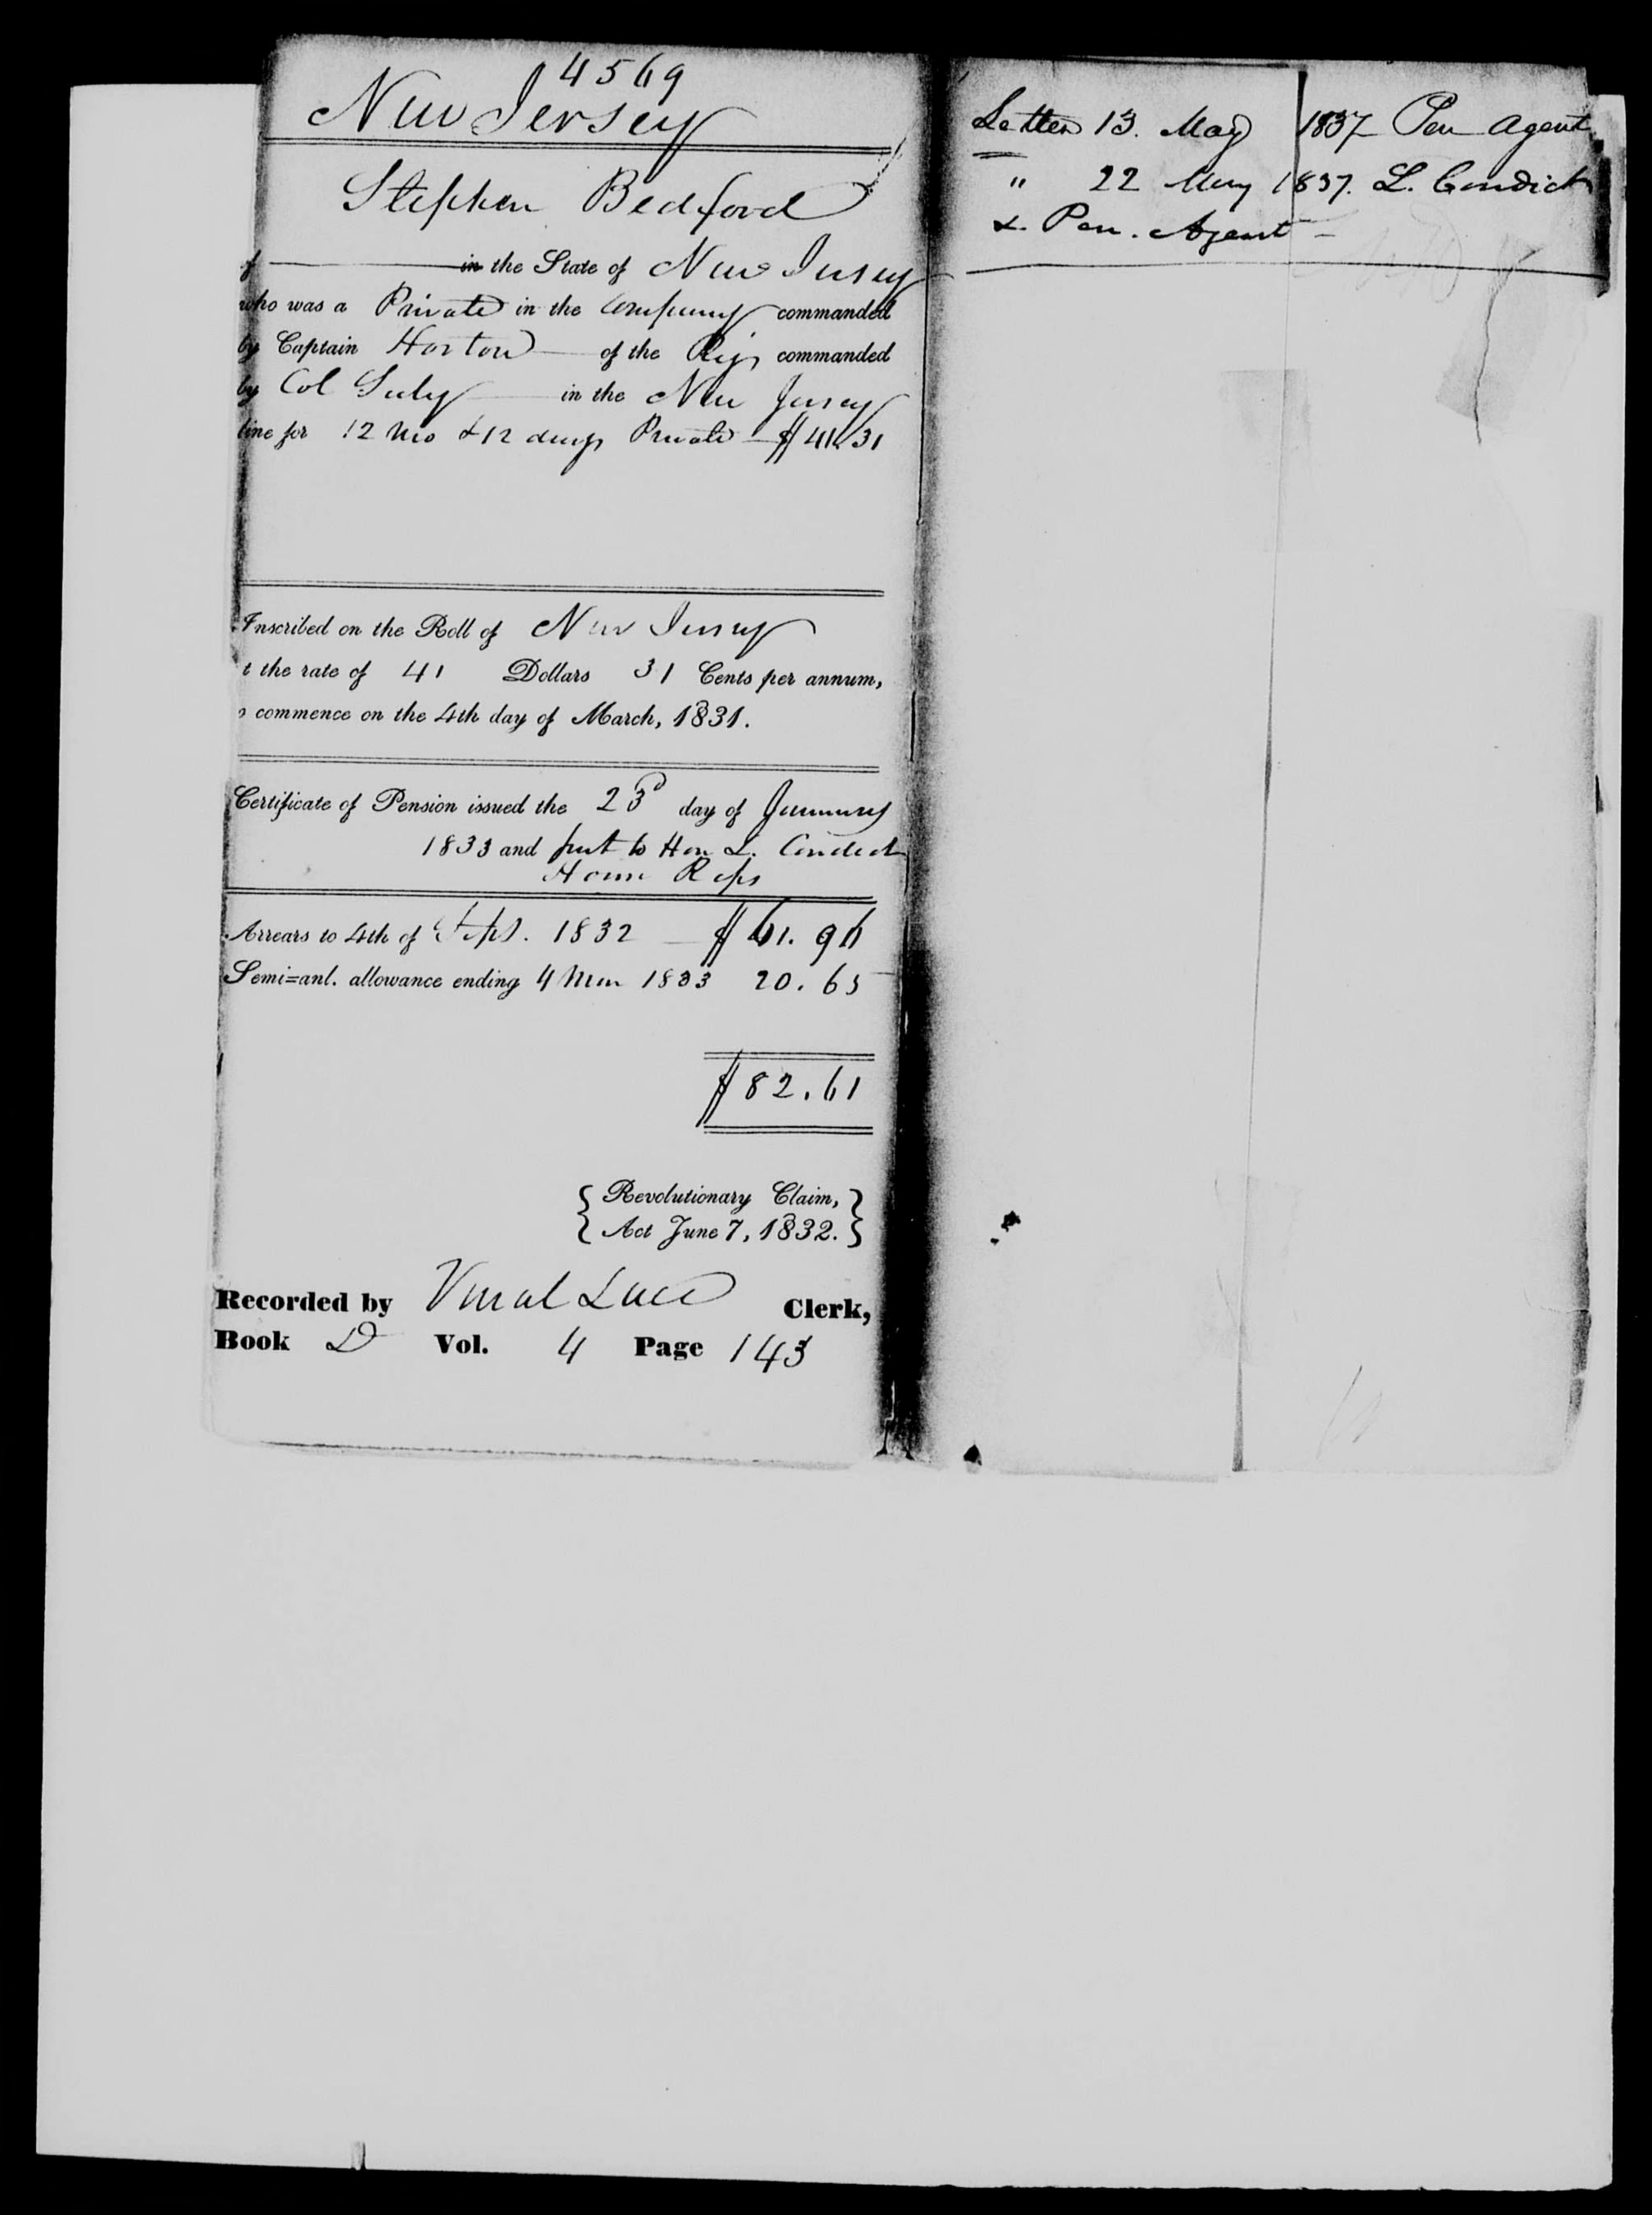4569
New Jersey
Stephen Bedford
in the State of New Jersey
who was a Private in the Company commanded
by Captain Horton of the Reg commanded by
Col Seely in the New Jersey line for 12 Mo & 12 days Private $41.31
Inscribed on the Roll of New Jersey
at the rate of 41 Dollars 31 Cents per annum
to commence on the 4th day of March, 1831.
Certificate of Pension issued the 23d day of January 1833 and sent to Hon. L. Condict
House  Reps
Arrears to 4th of Sept. 1832 $41.96
Semi=anl. allowance ending         4 Mar 1833 20.65
$82.61
{Revolutionary Clain Act June 7, 1832}
Recorded by Vinal Luce  Clerk
Book D Vol. 4 Page 143

Letter 13 May 1837 Pen Agent
    "     22 May 1837. L. Condict
& Pen. Agent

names: Horton, Seely, L Condict, L Condict, Stephen Bedford, Vinal Luce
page: 2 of 31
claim: survivor's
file: S. 2372, Stephen Bedford, New Jersey